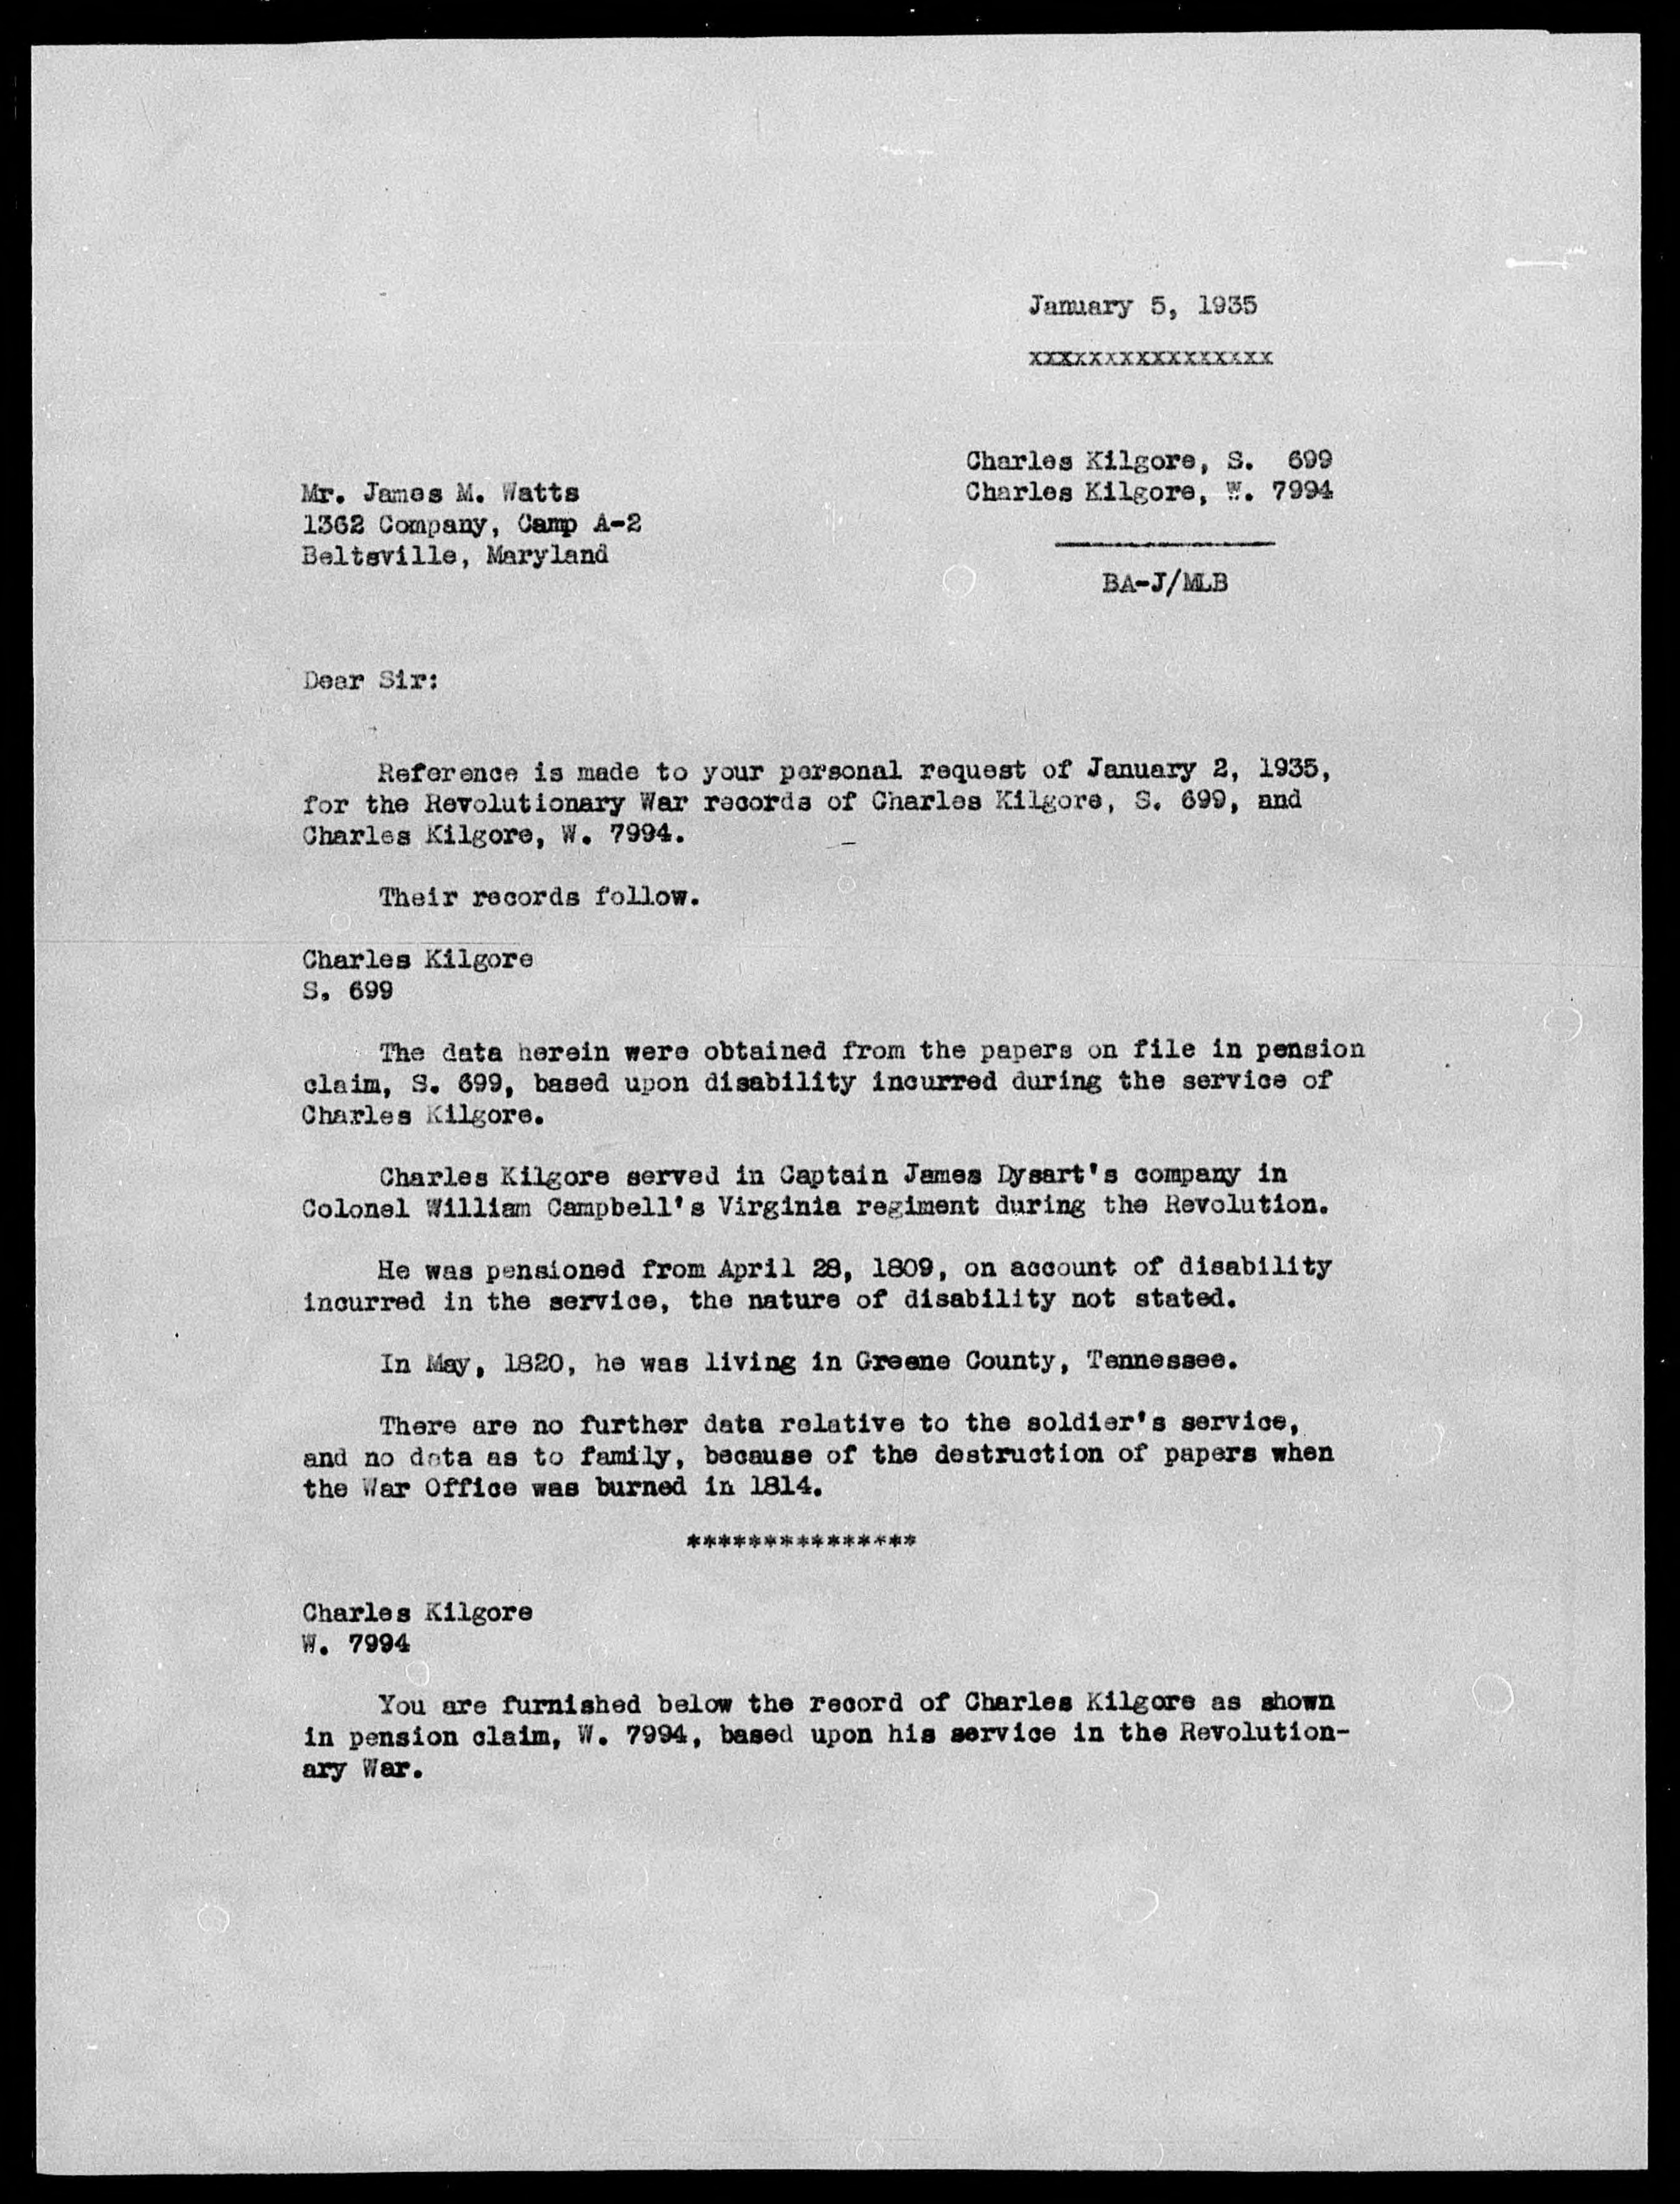January 5, 1935
Charles Kilgore, S. 699
Charles Kilgore, W. 7994
BA-J/MLB

Mr. James M. Watts
1362 Company, Camp A-2
Beltsville, Maryland

Dear Sir:
Reference is made to your personal request of January 2, 1935, for the Revolutionary War records of Charles Kilgore, S. 699, and Charles Kilgore, W. 7994.
Their records follow.

Charles Kilgore
S. 699
The data herein were obtained from the papers on file in pension claim, S. 699, based upon disability incurred during the service of Charles Kilgore.
Charles Kilgore served in Captain James Dysart's company in Colonel William Campbell's Virginia regiment during the Revolution.
He was pensioned from April 28, 1809, on account of disability incurred in the service, the nature of disability not stated.
In May, 1820, he was living in Greene County, Tennessee.
There are no further data relative to the soldier's service, and no data as to family, because of the destruction of papers when the War Office was burned in 1814.

Charles Kilgore
W. 7994
You are furnished below the record of Charles Kilgore as shown in pension claim, W. 7994, based upon his service in the Revolutionary War.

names: James M Watts; Charles Kilgore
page: 60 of 115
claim: survivor's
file: S. 699, for Charles Kilgore, Virginia